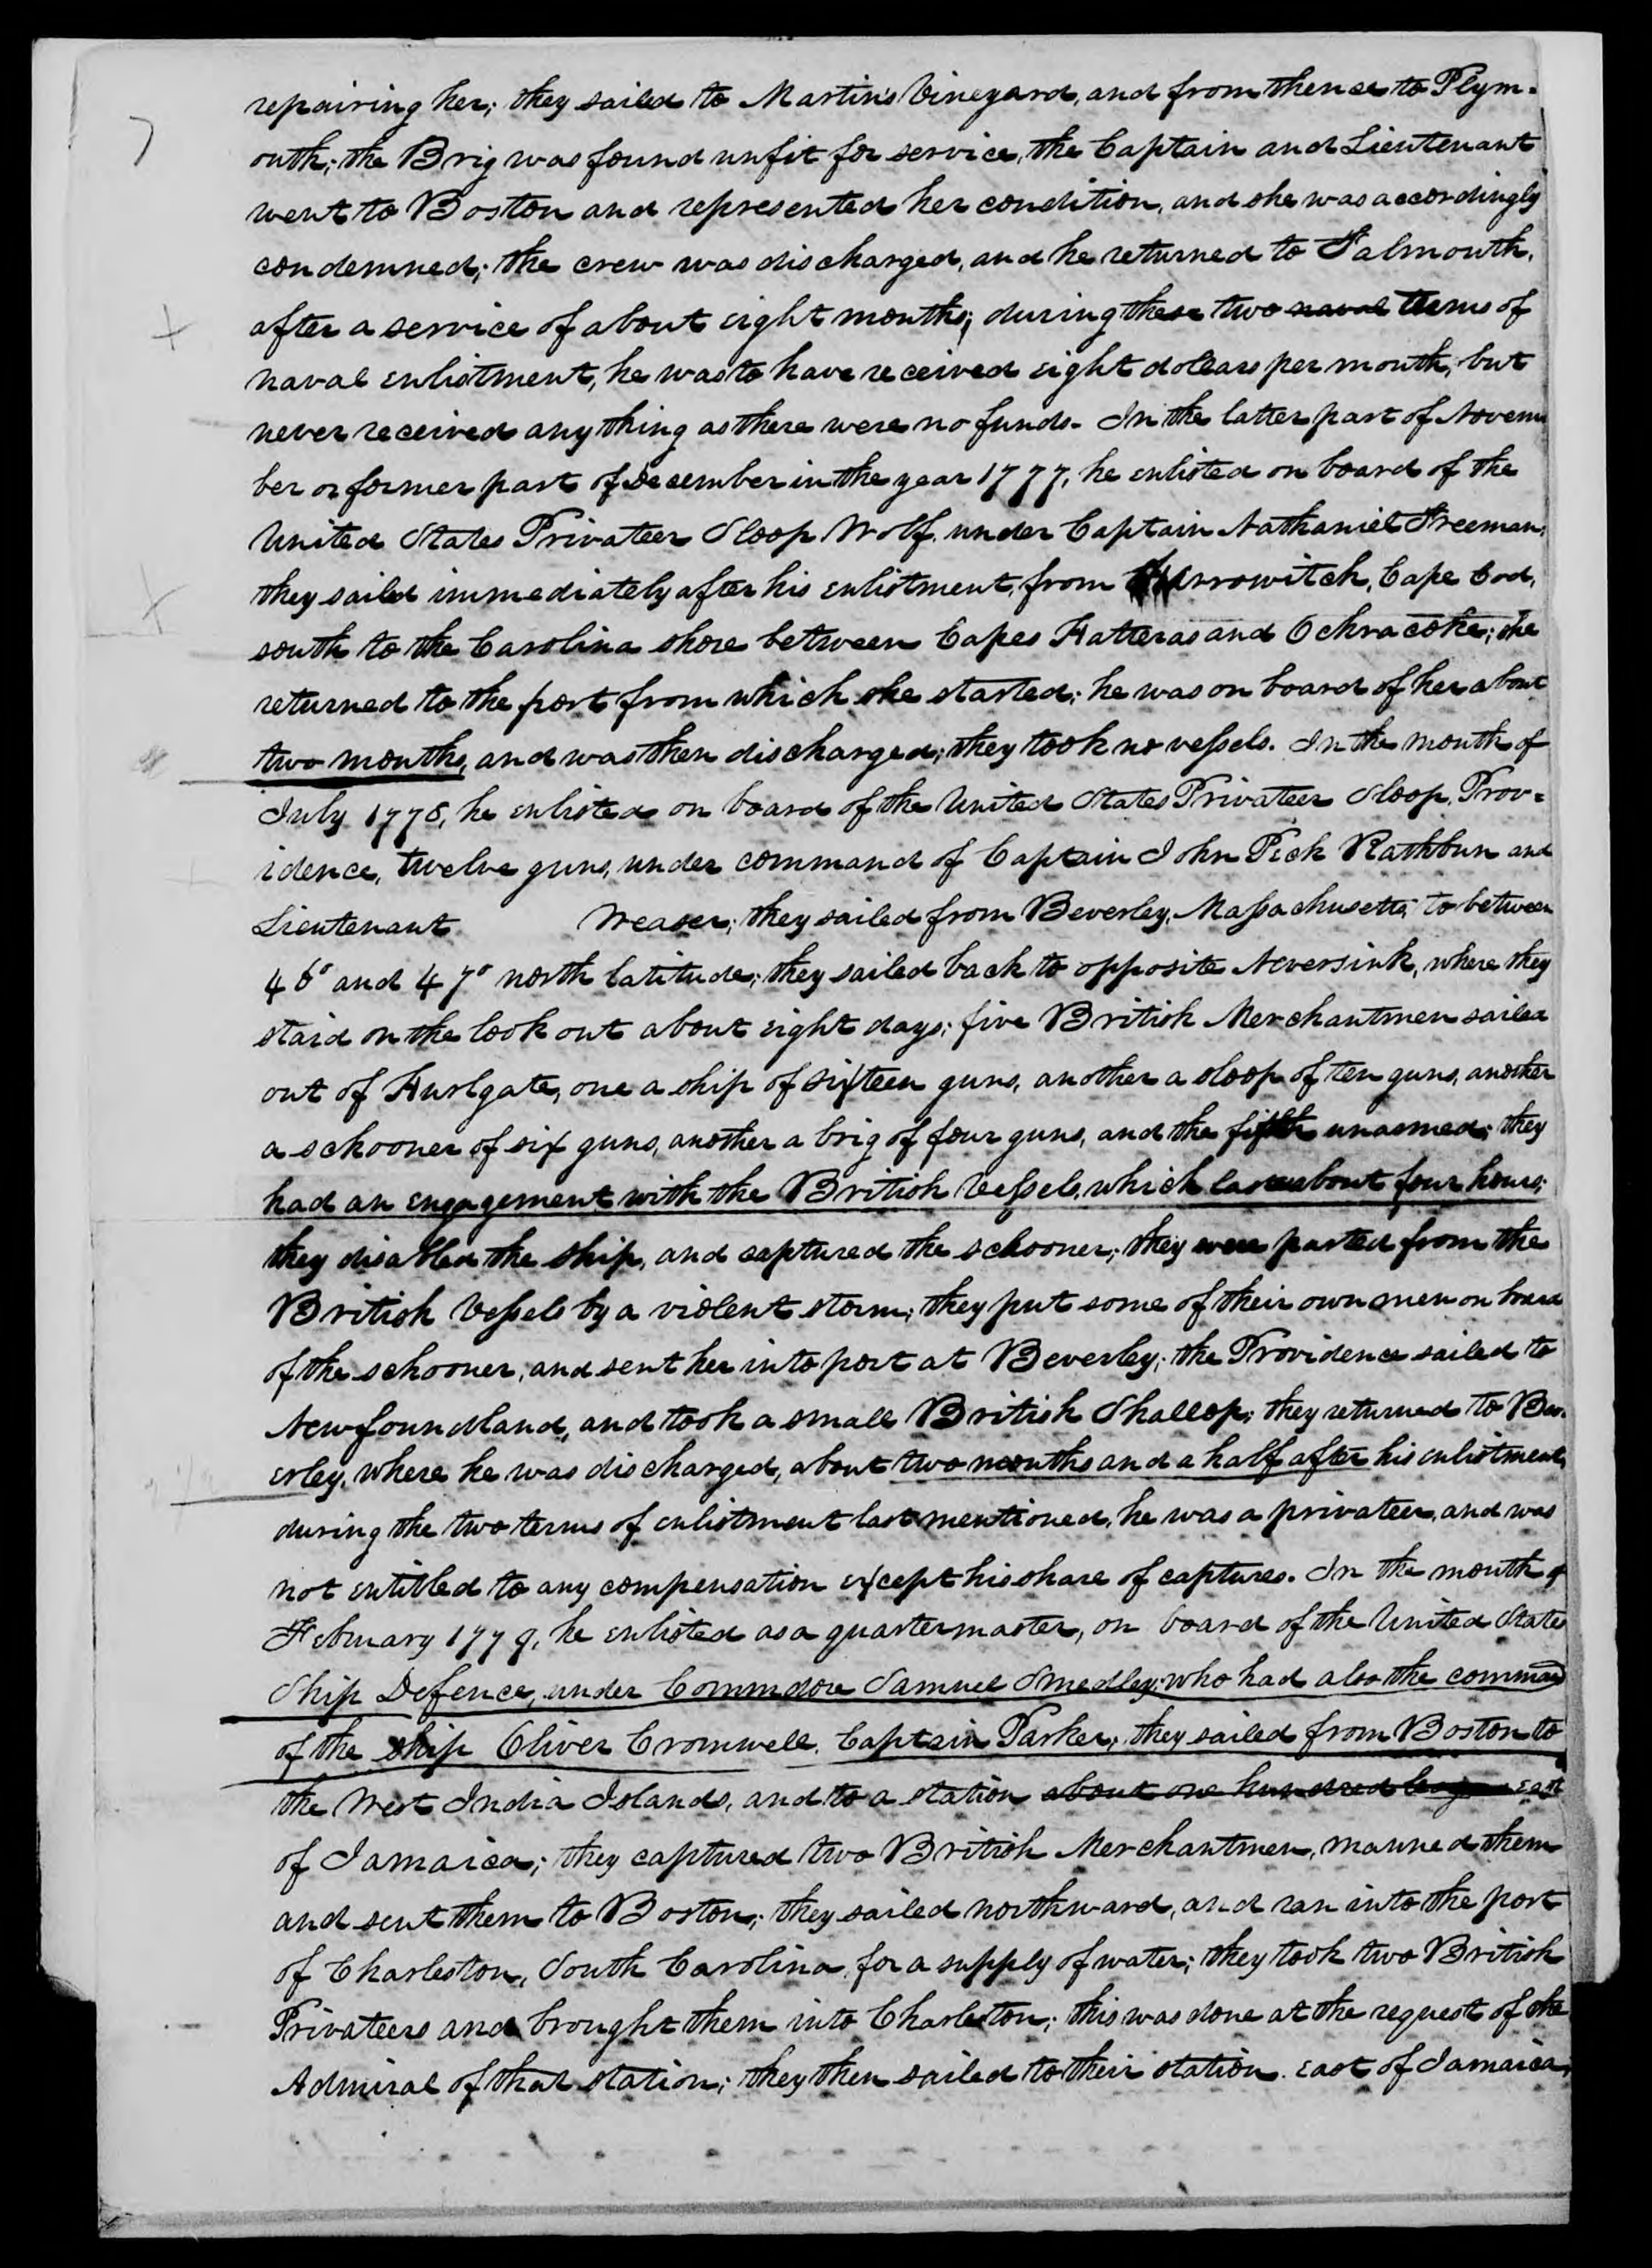repairing her; they sailed to Martin’s Vineyards and from there on to Plymouth; the Brig was found unfit for service; the Captain and Lieutenant went to Boston and represented her condition, and she was accordingly condemned; the crew was discharged, and he returned to Falmouth, after service of about eight months; during those two terms of naval enlistment, he was to have received eight dollars per month, but never received anything as there were no funds.  In the latter part of November or former part of December in the year 1777, he enlisted on board of the United States Privateer Sloop Wolf under Captain Nathaniel Freeman; they sailed immediately after his enlistment from (illegible)ssowitch, Cape Cod, south to the Carolina shore between Cape Hatteras and Ochacoke; she returned to the port from which she started; he was on board of her about two months and was then discharged; they took no vessels. In the month of July 1778, he enlisted on board of the United States Privateer Sloop Providence, twelve guns, under command of Captain John Peck Rathbun and Lieutenant Weaser; the sailed from Beverley, Massachusetts, to between 46o and 47o north latitudes; they sailed back to opposite Neversink, where they staid (sic) on the look out about eight days; five British Merchantmen sailed out of Hurlgate, one a ship of sixteen guns, another a sloop of ten guns, another a schooner of six guns, another a brig of four guns, and the fifth unarmed; they had an engagement with the British vessels which lasted about four hours; they disabled the ship and captured the schooner; they were parted from the British vessels by a violent storm; they put some of their own men on board of the schooner, and sent her into port at Beverley; the Providence sailed to Newfoundland, and took a small British Shallop; they returned to Beverley where he was discharged, about two months and a half after his enlistment; during the two terms of enlistment last mentioned, he was a privateer and was not entitled to any compensation except his share of captures.  In the month of February 1779, he enlisted as a quartermaster, on board of the United States Ship Defence, under Commodore Samuel Smedley, who had also the command of the ship Oliver Cromwell, Captain Parker; they sailed from Boston to the West India Islands, and to a station about one hundred leagues east of Jamaica; they captured two British Merchantmen, (illegible) them and sent them to Boston; they sailed northward, and ran into the port of Charleston, South Carolina, for a supply of water; they took two British Privateers and brought them into Charleston; this was done at the request of the Admiral of that station; they then sailed to their station east of Jamaica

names: Samuel Smedley, Oliver Cromwell, John Peck Rathbun, Parker, Weaser, Nathaniel Freeman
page: 4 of 18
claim: survivor's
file: S. 18,039, William Howell, Conn. Sea Service Mass. And Mass. Sea Service Privateer